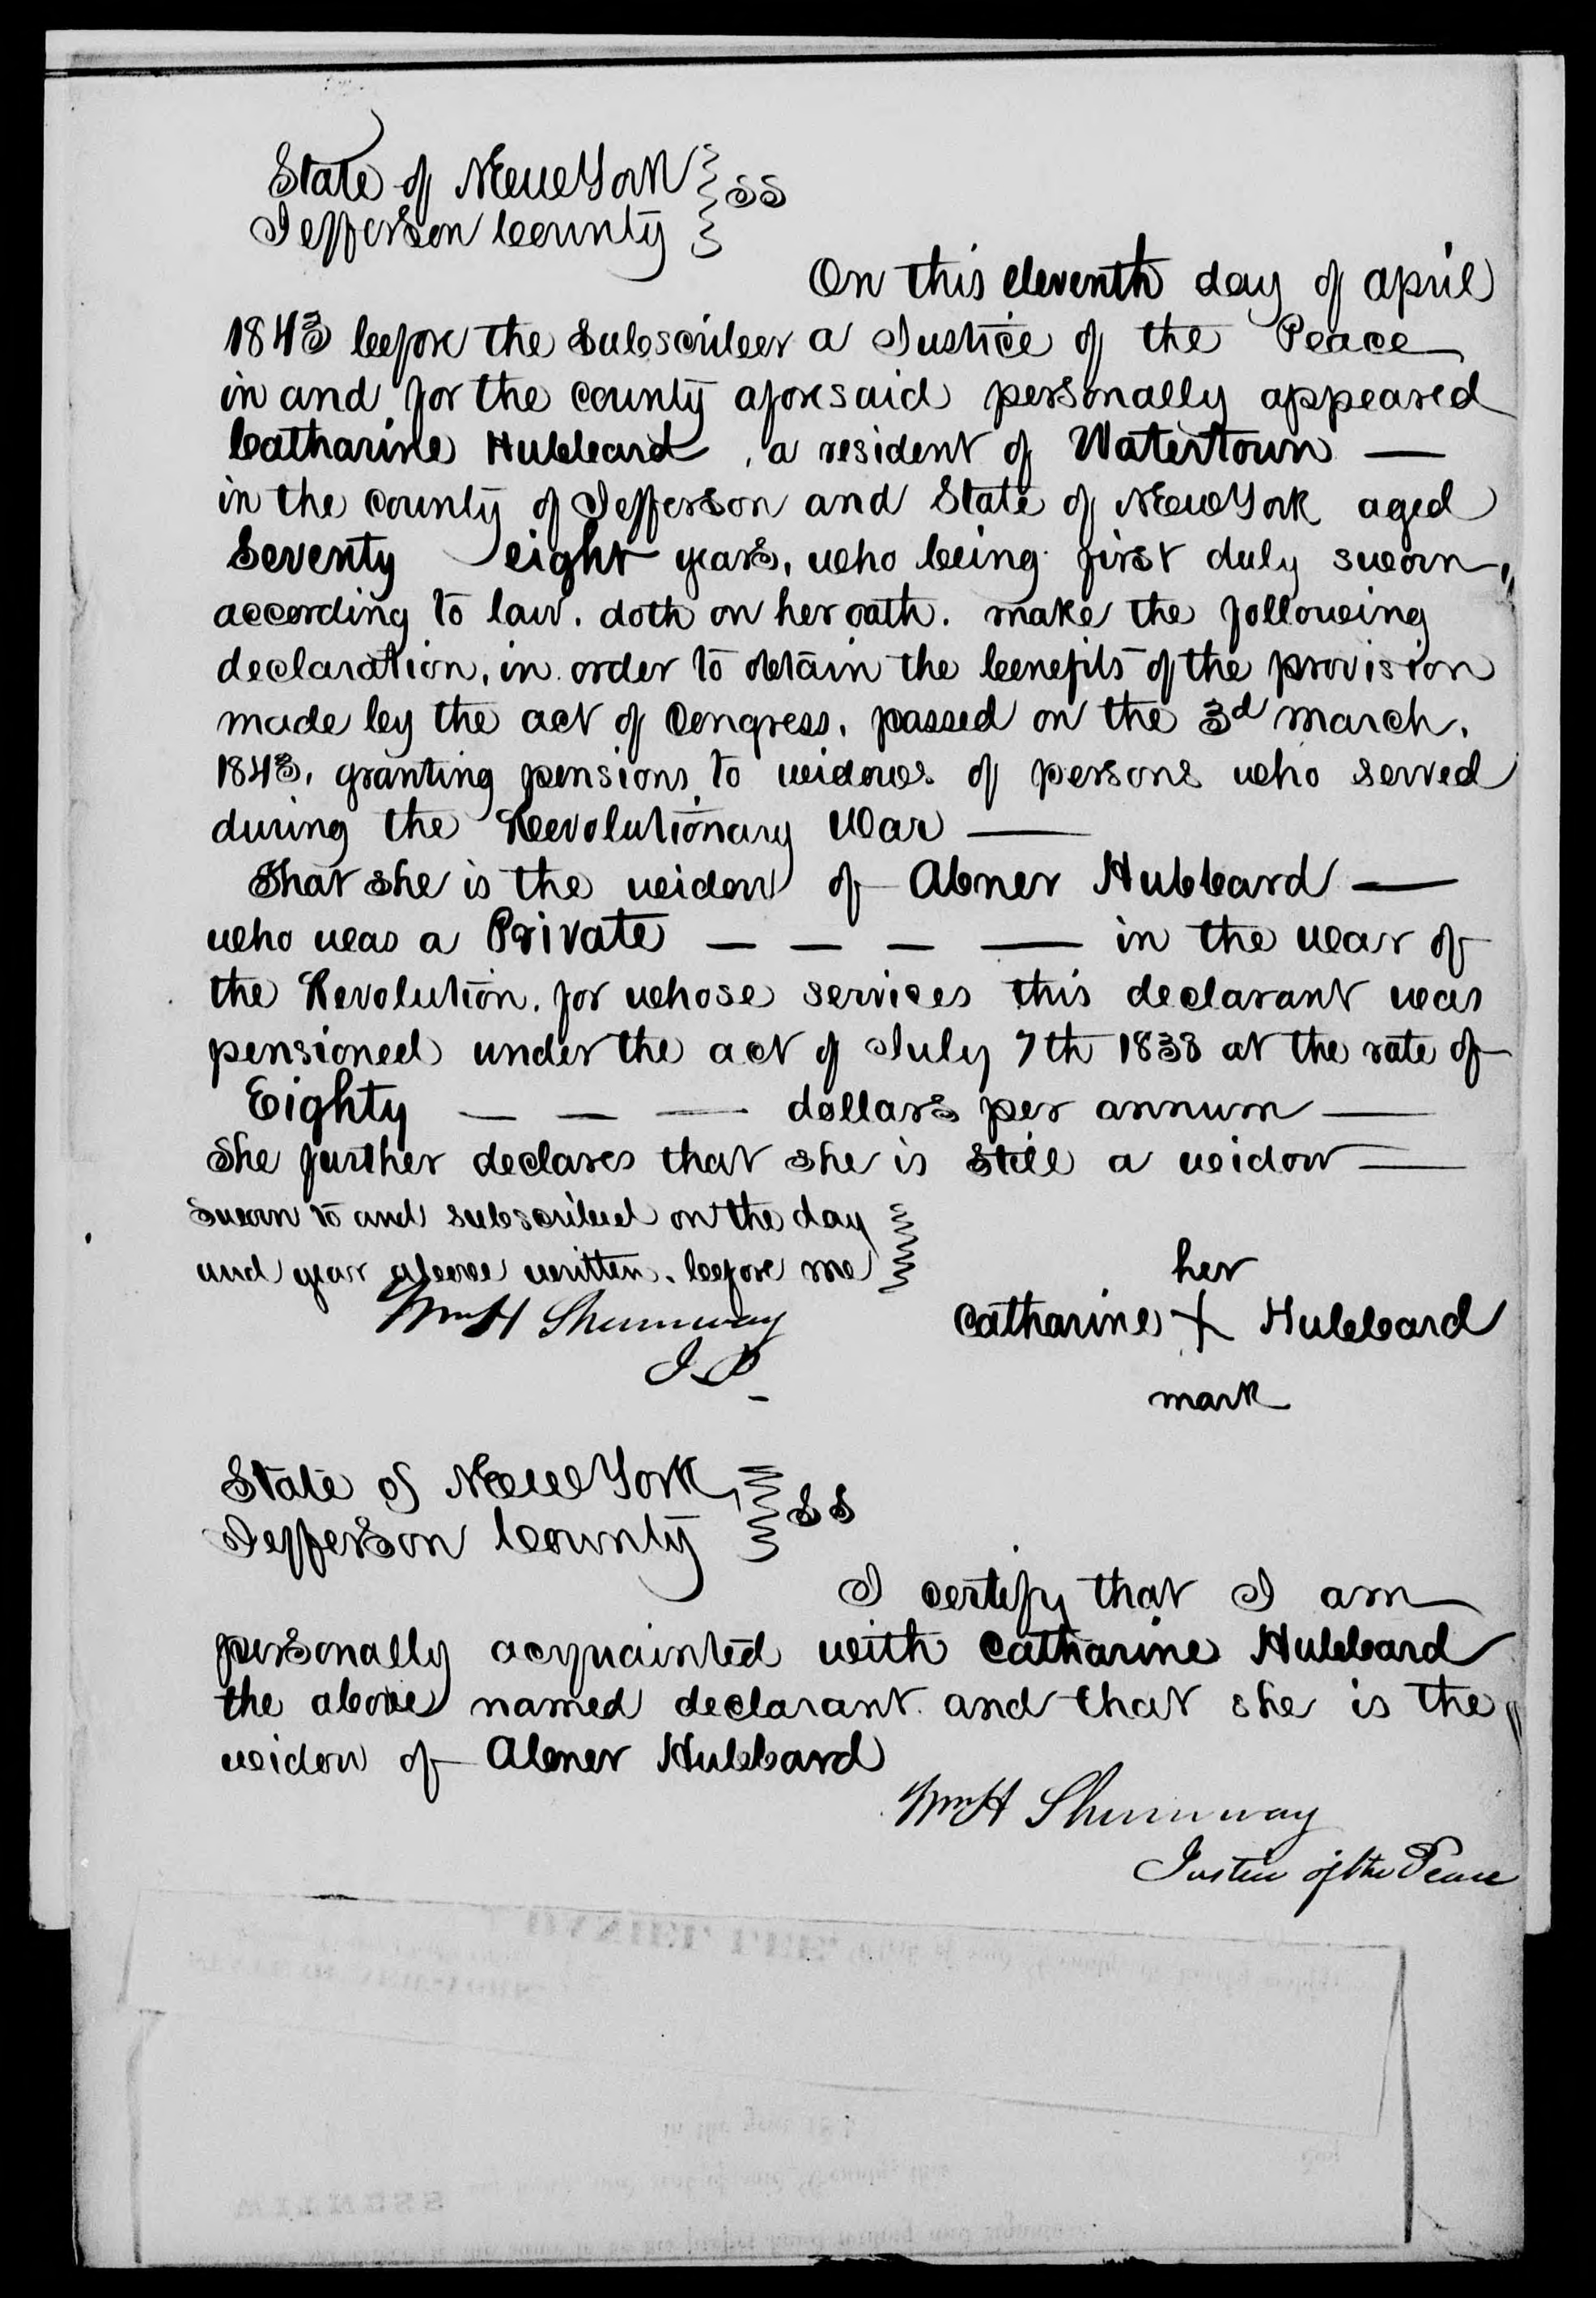State of New York, 
Jefferson County

On the eleventh day of April 1843 before the Subscribera Justice of the Peace in and for the county aforsaid personally appeared Catharine Hubbard, a resident of Watertown - in the county of Jefferson and State of New York aged Seventy eight years, who being first duly sworn, according to law, doth on the oath, make the following declaration, in order to obtain the benefits of the provision made by the act of Congress, passed on the 3d March, 1843, granting pensions, to widows of persons who served during the Revolutionary War.
That she is the widow of Abner Hubbard - who was a Private  - - - - in the War of the Revolution, for whose services this declarant was pensioned under the act of July 7th 1838 at the rate of Eighty - - - dollars per annum - 
She further declares that she is still a widow.
Sworn to and subscribed on the day and year alone written before me. 

State of New York
Jefferson County

I certify that I am personally acquainted with Catharine Hubbard the above names declarant and that she is widow of Aber Hubbard.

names: Catharine Hubbard, Abner Hubbard, Wm H Shumway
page: 3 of 38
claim: widow's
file: W. 23,381, Abner Hubbard, Continental Mass.